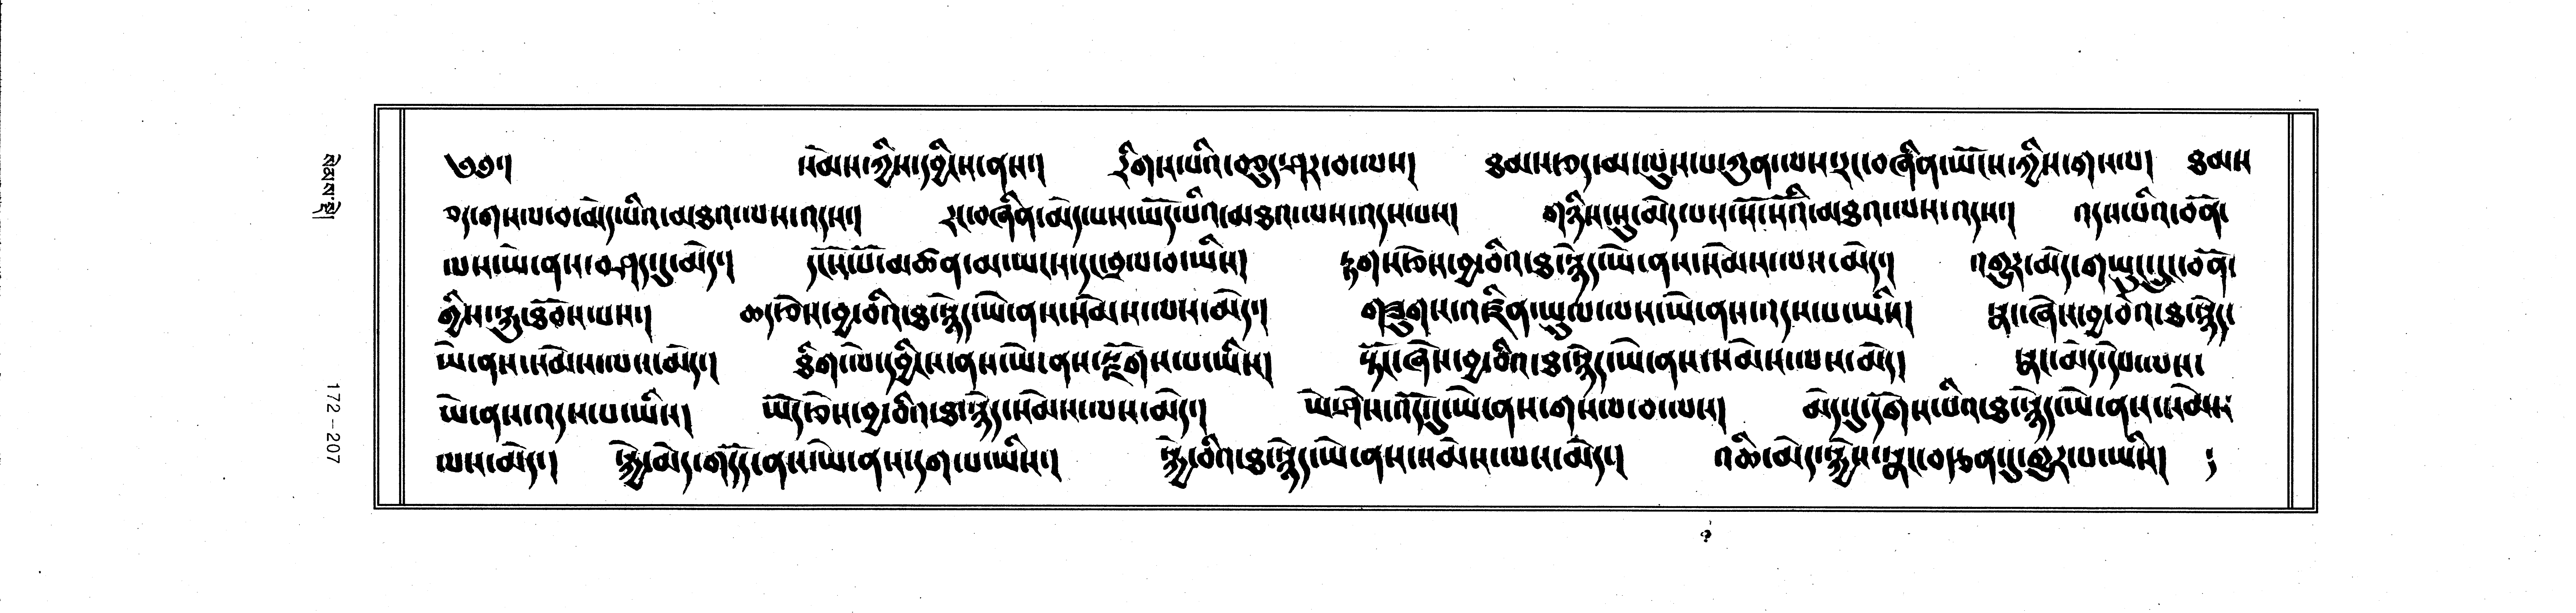དབྱིངས་ནས། རིག་པའི་བཅུད་ཤར་བ་ལས། ཐམས་ཅད་མ་ལུས་པ་ཀུན་ལས་རང་བཞིན་ཡོངས་ཀྱིས་གསལ། ཐམས་
ཅད་གསལ་བ་མེད་པའི་མཐའ་ལས་འདས། རང་བཞིན་མེད་པས་ཡོད་པའི་མཐའ་ལས་འདས་པས། གཉིས་སུ་མེད་པས་སོ་སོའི་མཐའ་ལས་འདས། འདས་པའི་བོན་
ལས་ཡེ་ནས་བཤད་དུ་མེད། དངོས་པོ་མཚན་མ་ཡངས་དང་བྲལ་བ་ཡིས། རྟགས་ཅེས་བྱ་བའི་ཐ་སྙེད་ཡེ་ནས་སེམས་ལས་མེད། འགྱུར་མེད་གཡུང་དྲུང་བོན་
གྱིས་སྐུ་ཐོབས་པས། ཆད་ཅེས་བྱ་བའི་ཐ་སྙེད་ཡེ་ནས་སེམས་ལས་མེད། གཟུགས་འཛིན་ཡུལ་ལས་ཡེ་ནས་འདས་པ་ཡིས། སྣང་ཞེས་བྱ་བའི་ཐ་སྙེད་
ཡེ་ནས་སེམས་ལས་མེད། ཐིག་ལེ་དབྱིངས་ནས་ཡེ་ནས་རྫོགས་པ་ཡིས། སྟོང་ཞེས་བྱ་བའི་ཐ་སྙེད་ཡེ་ནས་སེམས་ལས་མེད། སྣང་མེད་དཔེ་ལས་
ཡེ་ནས་འདས་པ་ཡིས། ཡོད་ཅེས་བྱ་བའི་ཐ་སྙེད་སེམས་ལས་མེད། ཡེ་ཤེས་འོད་དུ་ཡེ་ནས་གསལ་བ་ལས། མེད་དུ་དོགས་པའི་ཐ་སྙེད་ཡེ་ནས་སེམས་
ལས་མེད། སྐྱེ་མེད་གདོད་ནས་ཡེ་ནས་དག་པ་ཡིས། སྐྱེ་བའི་ཐ་སྙེད་ཡེ་ནས་སེམས་ལས་མེད། འཆི་མེད་སྐྱེས་སྣང་བརྩན་དུ་གྱུར་པ་ཡིས།